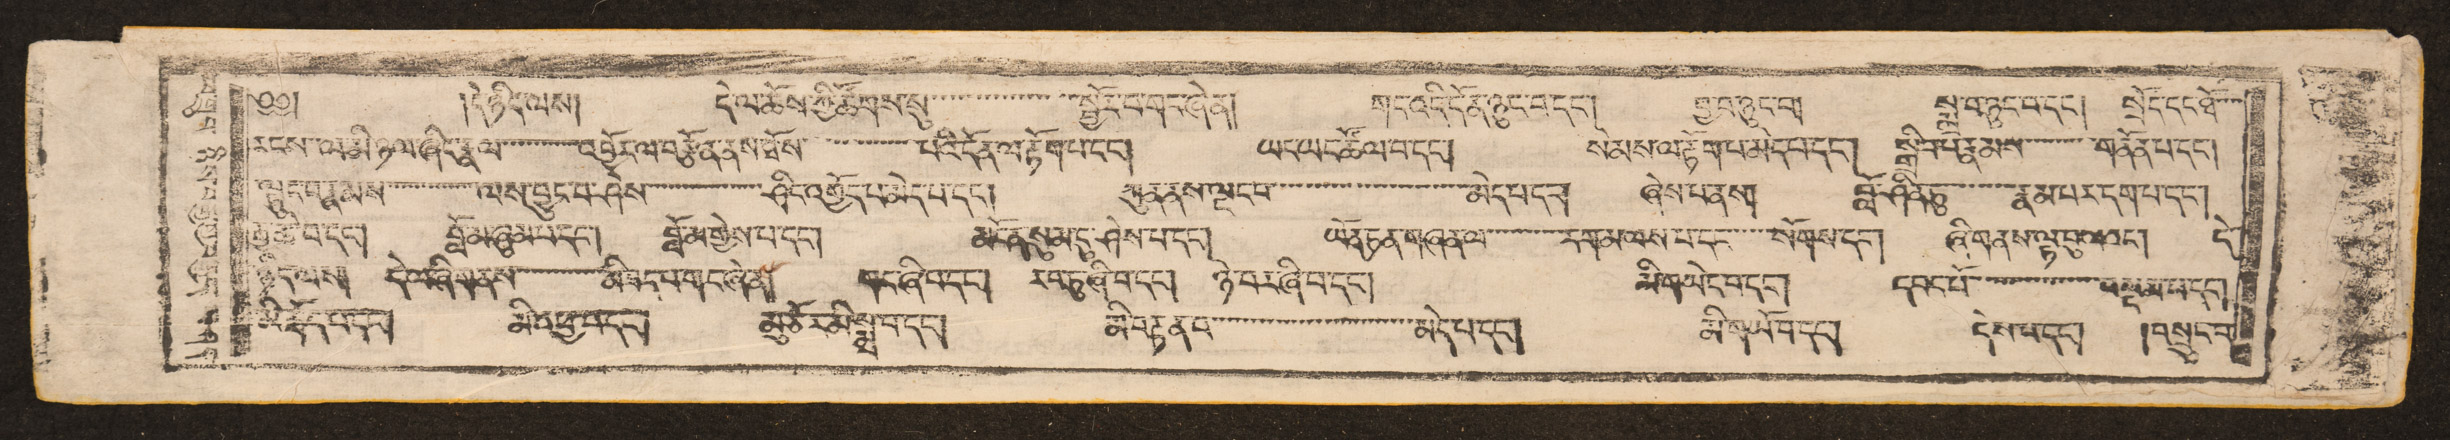༄༅། །དེ་ཉིད་ལས། དེ་ལ་ཆོས་ཀྱི་ཚོགས་སུ་སྦྱོར་བ་གང་ཞེན། གང་འདི་དོན་ཉུང་བ་དང་། བྱ་བ་ཉུང་བ། སྨྲ་བ་ཉུང་བ་དང་། སྲོད་དང་ཐོ་
རངས་ལ་མི་ཉལ་ཞིང་རྣལ་འབྱོར་ལ་བརྩོན་ནས་ཐོས་པའི་དོན་ལ་རྟོག་པ་དང་། ཡང་ཡང་ཚོལ་བ་དང་། སེམས་ལ་རྟོག་པ་མེད་པ་དང་། སྒྲིབ་པ་རྣམས་གནོན་པ་དང་།
ལྟུང་བ་རྣམས་ལས་བྱུང་བ་ཤེས་ཤིང་འགྱོད་པ་མེད་པ་དང་། ཀུན་ནས་ལྡང་བ་མེད་པ་དང་། ཞེས་པ་ནས། བློ་ཤིན་ཏུ་རྣམ་པར་དག་པ་དང་།
རྒྱ་ཆེ་བ་དང་། བློ་མ་ཞུམ་པ་དང་། བློ་མ་གྱེས་པ་དང་། མངོན་སུམ་དུ་ཤེས་པ་དང་། ཡོན་ཏན་གཞན་ལ་རག་མ་ལས་པ་དང་སོགས་དང་། ཞི་གནས་ལྟ་བུ་ལའང་། དེ་
ཉིད་ལས། དེ་ལ་ཞི་གནས་མི་ཟང་པ་གང་ཞེ་ན། གང་ཞི་བ་དང་། རབ་ཏུ་ཞི་བ་དང་། ཉེ་བར་ཞི་བ་དང་། མི་གཡེང་བ་དང་། དབང་པོ་བསྡམ་པ་དང་།
མི་རྒོད་པ་དང་། མི་འཕྱ་བ་དང་། མུ་ཅོར་མི་སྨྲ་བ་དང་། མི་བརྟན་པ་མེད་པ་དང་། མི་གཡོ་བ་དང་། དེས་པ་དང་། །བསྲུང་བ་